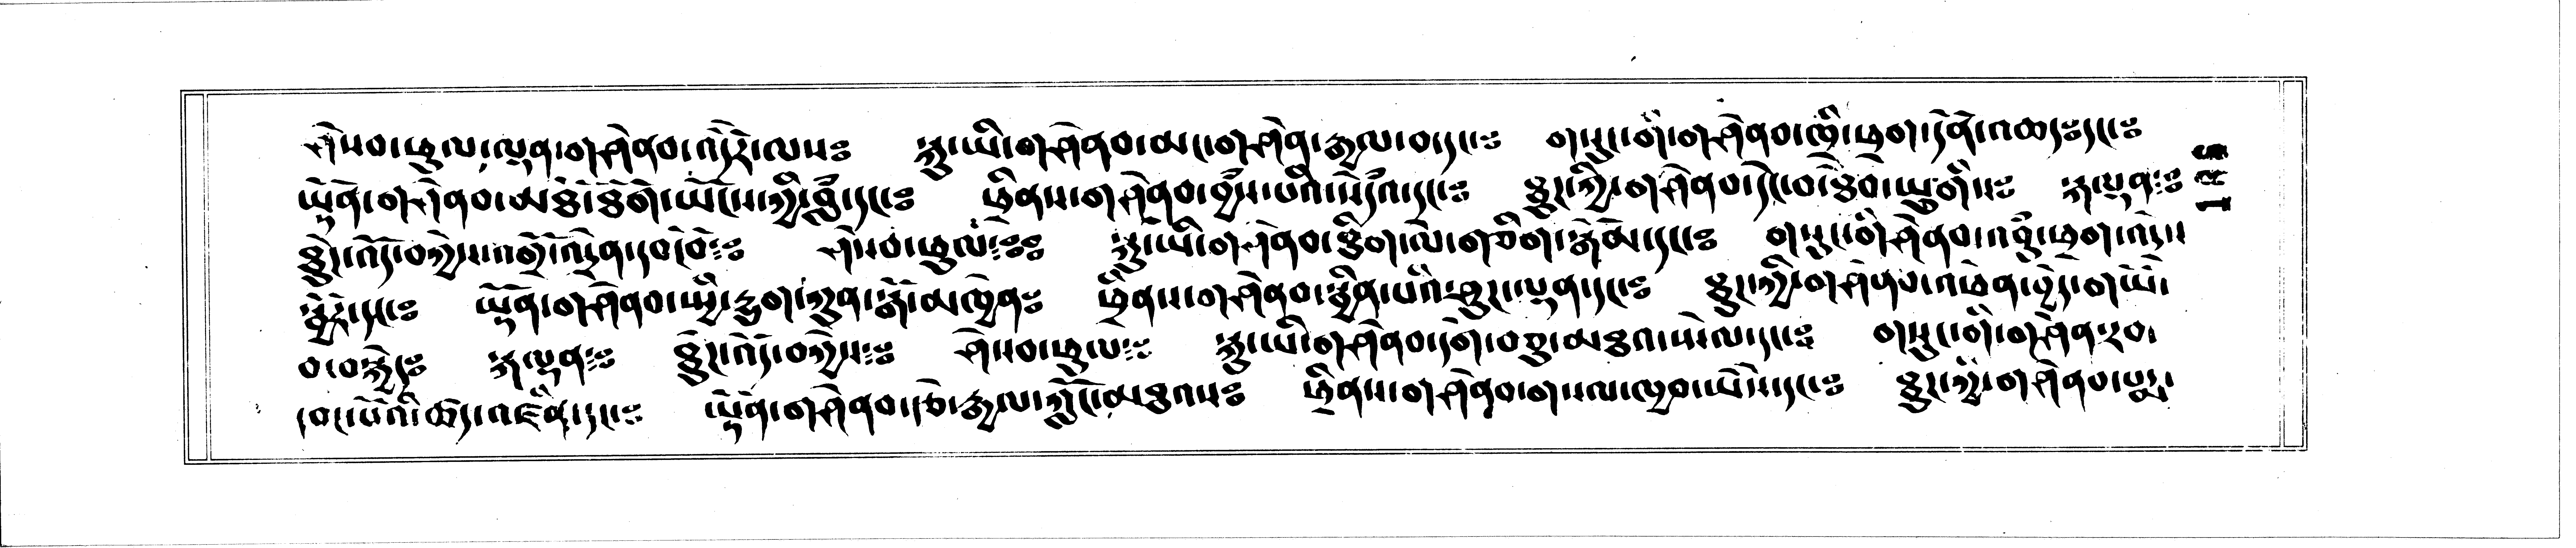ཤེས་རབ་ཕུལ་ལྡན་གཤེན་རབ་འོད་ཟེར་ལསཿ སྐུ་ཡི་གཤེན་རབ་མང་གཤེན་རྒྱལ་བ་དངཿ གསུང་གི་གཤེན་རབ་ཁྲི་ཕྲག་དོན་འཆད་དངཿ
 ཡོན་ཏན་གྱི་གཤེན་རབ་མཐོ་ཐོག་ཡོངས་ཀྱི་བླ་མ་དངཿ ཕྲིན་ལས་ཀྱི་གཤེན་རབ་བྱམས་པའི་སེམས་དཔའ་དངཿ ཐུགས་ཀྱི་གཤེན་རབ་དེང་པ་ཐེབ་ཡུག་གིསཿ སྐལ་ལྡན་སློབ་མ་རྣམས་ལ་དབང་བསྐུར་བསཿ 
ཐུགས་རྗེ་འོད་བཀྱེས་འགྲོ་འདྲེན་དབང་ཐོབ་ཤོགཿ ཤེས་རབ་ཕུལ་ལྡན་གཤེན་རབ་འོད་ཟེར་ལསཿ སྐུ་ཡི་གཤེན་རབ་ཐིག་ལེ་གཅིག་སྒོམ་དངཿ གསུང་གི་གཤེན་རབ་འབུམ་ཕྲག་འདྲེས་
སྦྱོར་དངཿ ཡོན་ཏན་གཤེན་རབ་སྤྱི་རྒྱུག་ཀུན་སྒོ་མཁྱེནཿ ཕྲིན་ལས་ཀྱི་གཤེན་རབ་སྦྱིན་པའི་ཤུགས་ལྡན་དངཿ ཐུགས་ཀྱི་གཤེན་རབ་འཕེན་བྱེད་གཡོ་
སྐྱེད་ཀྱིསཿ སྐལ་ལྡན་སློབ་མ་རྣམས་ལ་དབང་བསྐུར་བསཿ ཐུགས་རྗེ་འོད་བཀྱེས་འགྲོ་འདྲེན་དབང་ཐོབ་ཤོགཿ ཤེས་རབ་ཕུལ་ལྡན་གཤེན་རབ་འོད་ཟེར་ལསཿ སྐུ་ཡི་གཤེན་རབ་དགེ་བཅུ་མཐར་སྤེལ་དངཿ གསུང་གི་གཤེན་རབ་
དབང་པོ་ཚད་འཛིན་དངཿ ཡོན་ཏན་གཤེན་རབ་རྩེ་རྒྱལ་ཀློང་མཐའ་ཡསཿ ཕྲིན་ལས་གཤེན་རབ་གསས་ཁྱབ་ཡེ་ཤེས་དངཿ ཐུགས་ཀྱི་གཤེན་རབ་པད་མ་